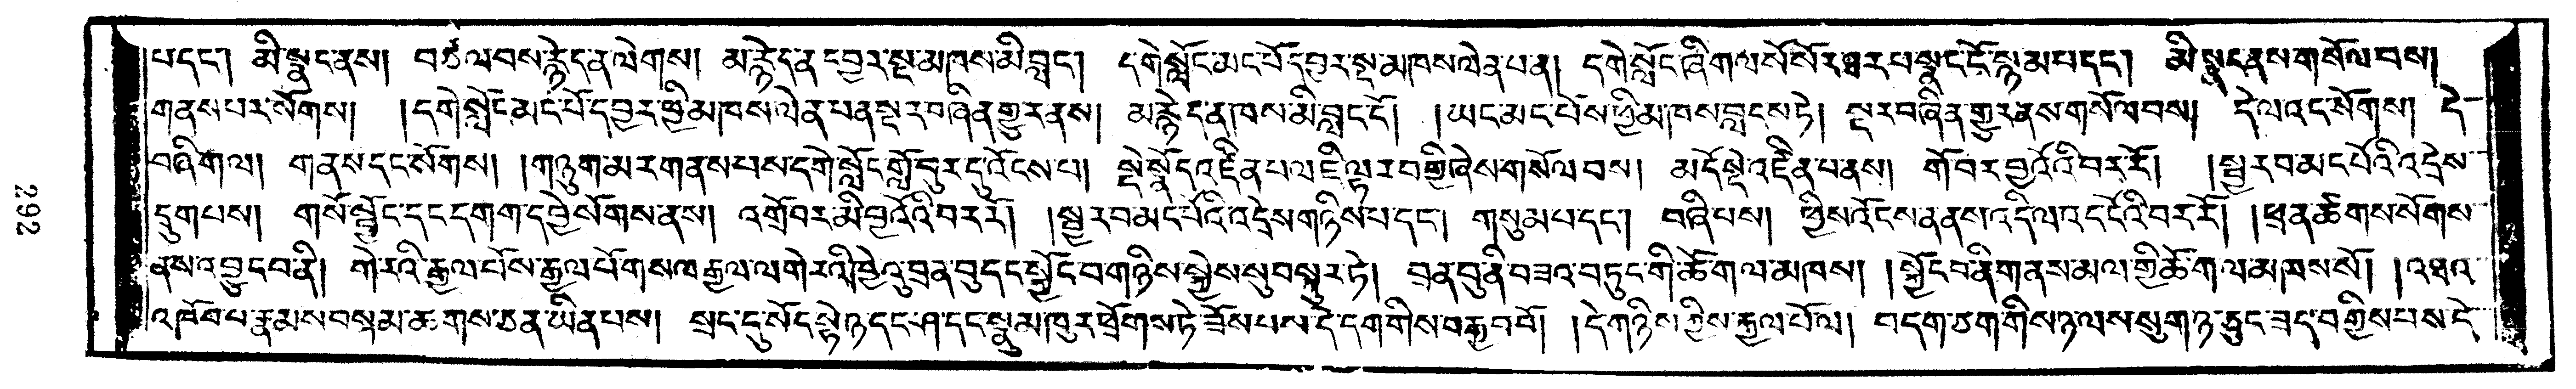པ་དང་། མི་སྣང་ནས། བཙལ་བས་རྙེད་ན་ལེགས། མ་རྙེད་ན་དབྱར་སྔ་མཁས་མི་བླང་། དགེ་སློང་མང་པོ་དབྱར་སྔ་མཁས་ལེན་པ་ན། དགེ་སློང་ཞིག་ལ་སོ་སོར་ཐར་པ་སྣང་ངོ་སྙམ་པ་དང་། མི་སྣང་ནས་གསོལ་བས།
གནས་པར་སོགས། །དགེ་སློང་མང་པོ་དབྱར་ཕྱི་མཁས་ལེན་པ་ན་སྔར་བཞིན་གྱུར་ནས། མ་རྙེད་ན་ཁས་མི་བླང་ངོ། །ཡང་མང་པོས་ཕྱི་མ་ཁས་བླངས་ཏེ། སྔར་བཞིན་གྱུར་ནས་གསོལ་བས། དེ་ལའང་སོགས། དེ་
བཞི་ག་ལ། གནས་དང་སོགས། །གཉུག་མར་གནས་པས་དགེ་སློང་གློ་བུར་དུ་འོངས་པ། སྡེ་སྣོད་འཛིན་པ་ལ་ཇི་ལྟར་བགྱི་ཞེས་གསོལ་བས། མདོ་སྡེ་འཛིན་པ་ནས། གོ་བར་བྱའོའི་བར་རོ། །སྦྱར་བ་མང་པོའི་འདྲེས་
དྲུག་པས། གསོ་སྦྱོང་དང་དགག་དབྱེ་སོགས་ནས། འགྲོ་བར་མི་བྱའོའི་བར་རོ། །སྦྱར་བ་མང་པོའི་འདྲེས་གཉིས་པ་དང་། གསུམ་པ་དང་། བཞི་པས། ཕྱིས་འོངས་ན་ནས་འདི་ལའང་ངོའི་བར་རོ། །ཕྲན་ཚགས་སོགས་
ནས་འབྱུང་བ་ནི། གེ་རའི་རྒྱལ་པོས་རྒྱལ་པོ་གསལ་རྒྱལ་ལ་གེ་རའི་ཁྱེའུ་བྲན་བུ་དང་སྐྱོང་བ་གཉིས་སྐྱེས་སུ་བསྐུར་ཏེ། བྲན་བུ་ནི་བཟའ་བཏུང་གི་ཆོ་ག་ལ་མཁས། །སྐྱོང་བ་ནི་གནས་མལ་གྱི་ཆོ་ག་ལ་མཁས་སོ། །མཐའ་
འཁོབ་པ་རྣམས་བསྐམ་ཆགས་ཅན་ཡིན་པས། སྲང་དུ་སོང་སྟེ་ཉ་དང་ཤ་དང་སྣུམ་ཁུར་ཕྲོགས་ཏེ་ཟོས་པས་དེ་དག་གིས་བརྒྱབ་བོ། །དེ་གཉིས་ཀྱིས་རྒྱལ་པོ་ལ། བདག་ཅག་གིས་ཉ་ལས་སུག་ཉ་ཅུང་ཟད་བགྱིས་པས་དེ་